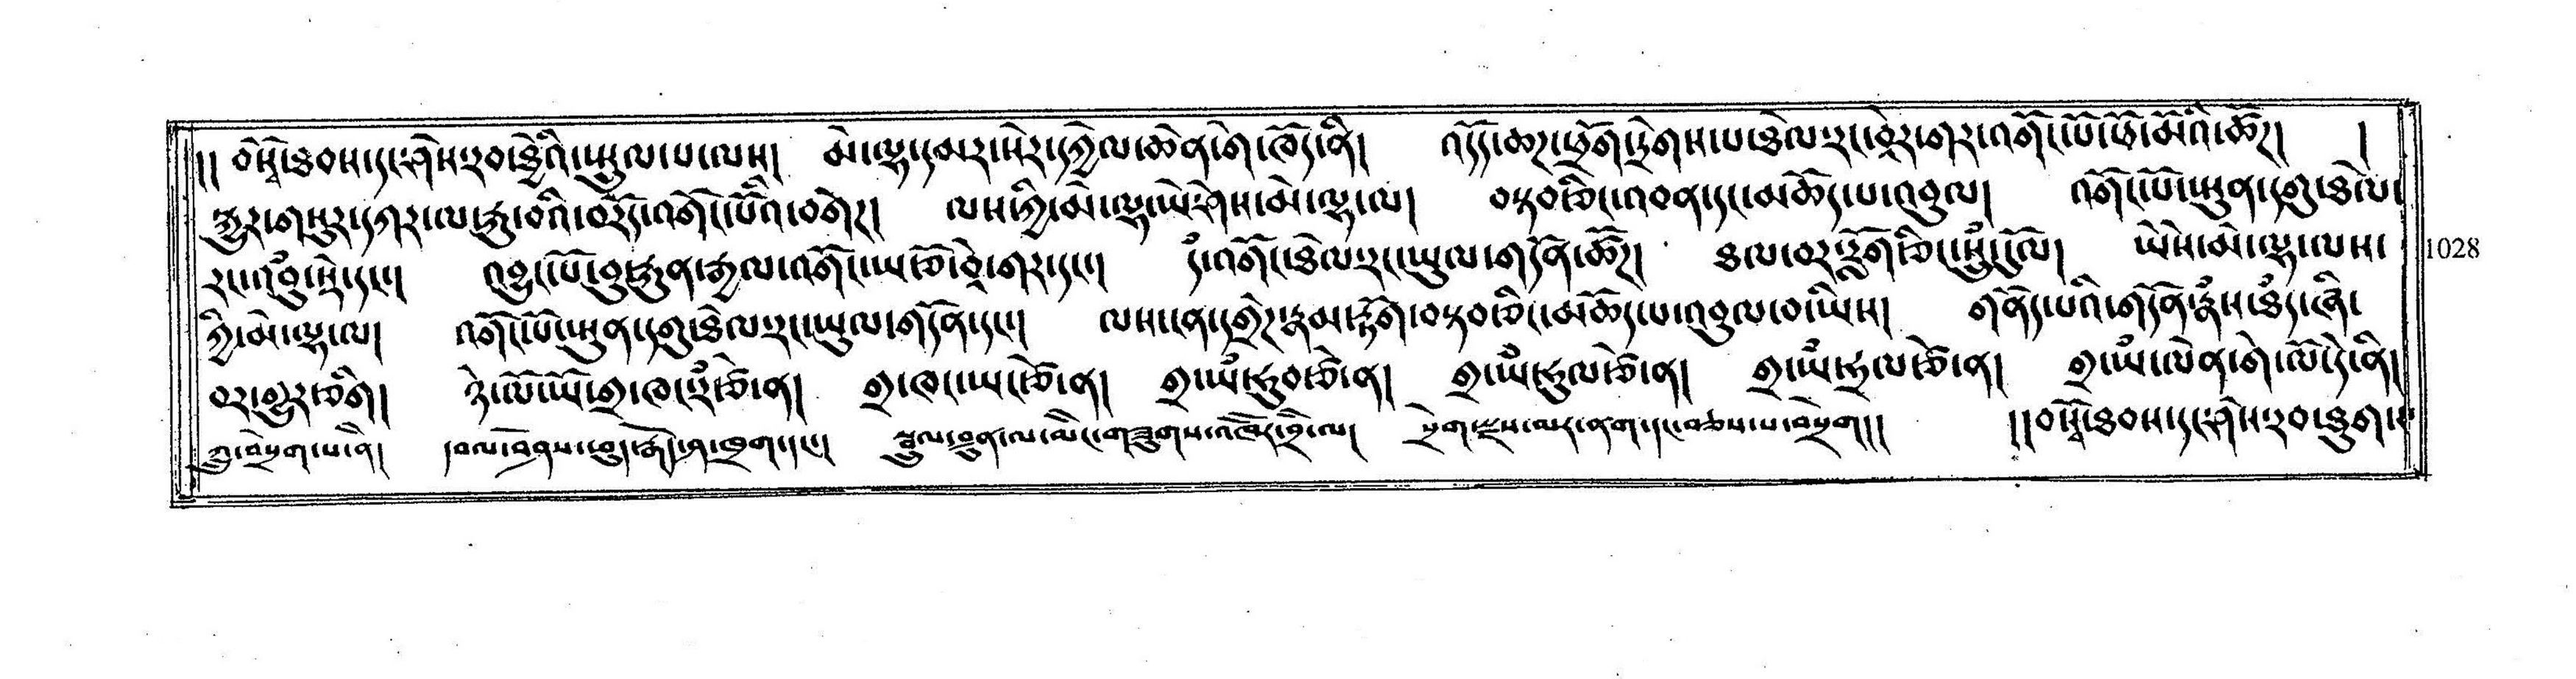།།བསྭོ་ཐབས་དང་ཤེས་རབ་ཐུགས་རྗེའི་སྤྲུལ་པ་ལས། མེ་ལྷ་དམར་སེར་དཀྱེལ་ཆེན་གེ་ཁོད་ནི། འདོད་ཆགས་ཕྲག་དོག་དྲེགས་པ་ཐེལ་རང་བཱེར་གར་འགོང་པོ་ཕོ་མོའི་ཚོགས། 
སྐྱུར་གསུར་དཀར་ལ་རྐུ་བའི་བར་ཆོད་འགོང་པོའི་བགེགས། ལས་ཀྱི་མེ་ལྷ་ཡེ་ཤེས་མེ་ལྷ་ལ། བསྟབ་ཅིང་འབན་དང་མཆོད་པ་འབུལ། འགོང་པོ་སྤུན་དགུ་ཐེལ་
རང་འབུམ་སྡེ་དང་། འབྱུང་པོ་བུ་རྐུན་རྒྱལ་འགོང་ཡ་ཅོ་བཱེ་གར་དང་། དཾ་འགོང་ཐེལ་རང་ཡུལ་གདོན་ཚོགས། ཐལ་བར་རློག་ཅིང་སྲུང་དུ་གསོལ། ཡེ་ཤེས་མེ་ལྷ་ལས་
ཀྱི་མེ་ལྷ་ལ། འགོང་པོ་སྤུན་དགུ་ཐེལ་རང་ཡུལ་གདོན་དང་། ལས་ངན་དགྲ་བགེགས་རྣམ་རྟོག་བསྟབ་ཅིང་མཆོད་པ་འབུལ་བ་ཡིས། གནོད་པའི་གདོན་རྣམས་ཐམས་ཅད་ཞི་
བར་གྱུར་ཅིག ཉེ་ལོ་ཡོ་གྲ་ཁང་རཾ་ཙེ་ན། གྲ་ཁང་ཡང་ཙེ་ན། གྲ་ཡཾ་ཧུབ་ཙེ་ན། གྲ་ཡཾ་ཧུལ་ཙེ་ན། གྲ་ཡཾ་ཧྲལ་ཙེ་ན། གྲ་ཡཾ་ལེན་གེ་ལོ་དེ་ནི། 
ཀླུ་བསྲེག་པ་ནི། དབལ་བཤོས་ཕུད་རྒོད་ཤ་ཁྲག་དང་། སྦྲུལ་ཤུན་ལ་མིང་གཟུགས་འཁོར་ལོ་བྲི་ལ། སྲེག་རྫས་མར་ནག་དང་བཅས་པ་བསྲེག །།བསྭོ་ཐབས་དང་ཤེས་རབ་ཐུགས་